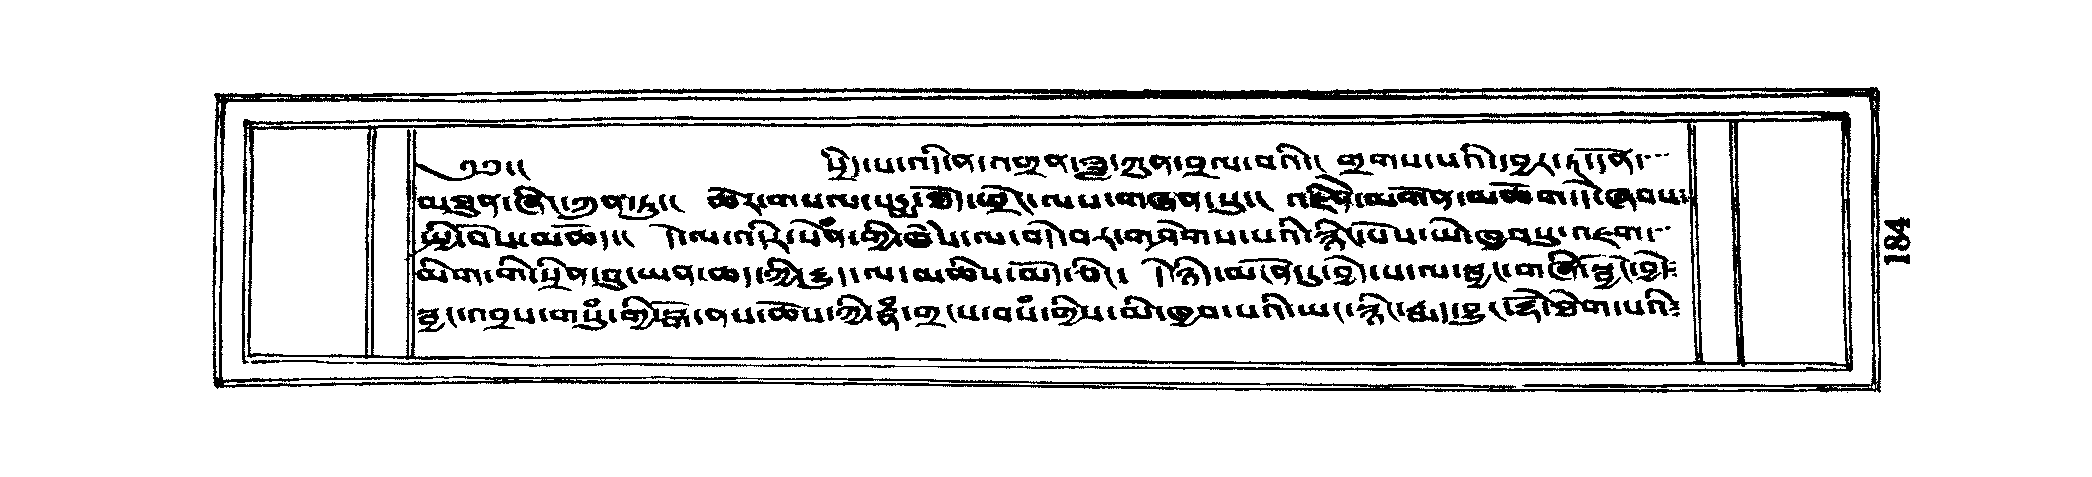སྲིད་པ་འདི་ན་འགྲན་ཟླ་ཀུན་བྲལ་བའི། གྲགས་པའི་དབྱར་རྔ་དོན་
མཐུན་ཞིང་ཀུན་ཏུ། ཆེར་གསལ་པདྨ་ཐོད་ཕྲེང་ལས་གཞན་སུ། འཇིག་རྟེན་མགོན་མཆོག་དེ་ཞབས་
སྤྱི་བོས་མཆོད། དེ་ལ་འདིར་སེམས་ཅན་གྱི་ཁམས་ལ་བདེ་བར་གཤེགས་པའི་སྙིང་པོས་ཡེ་ཁྱབས་སུ་འཇག་
མིག་གི་སྲིན་བུ་ཡན་ཆད་ཀྱི་རྒྱུད་ལ་མཆིས་མོད་ཅིང་། དེ་ཉིད་མངོས་དུ་བྱེད་པ་ལ་སྦྱང་གཞི་སྦྱོང་བྱེད་
སྦྱང་འབྲས་གསུམ་གྱི་སྒོ་ནས་ཆོས་ཀྱི་རྣམ་གྲངས་བསམ་གྱིས་མི་ཁྱབ་པའི་ཡང་སྙིད་རྨད་བྱུང་རྡོ་རྗེ་ཐེག་པའི་